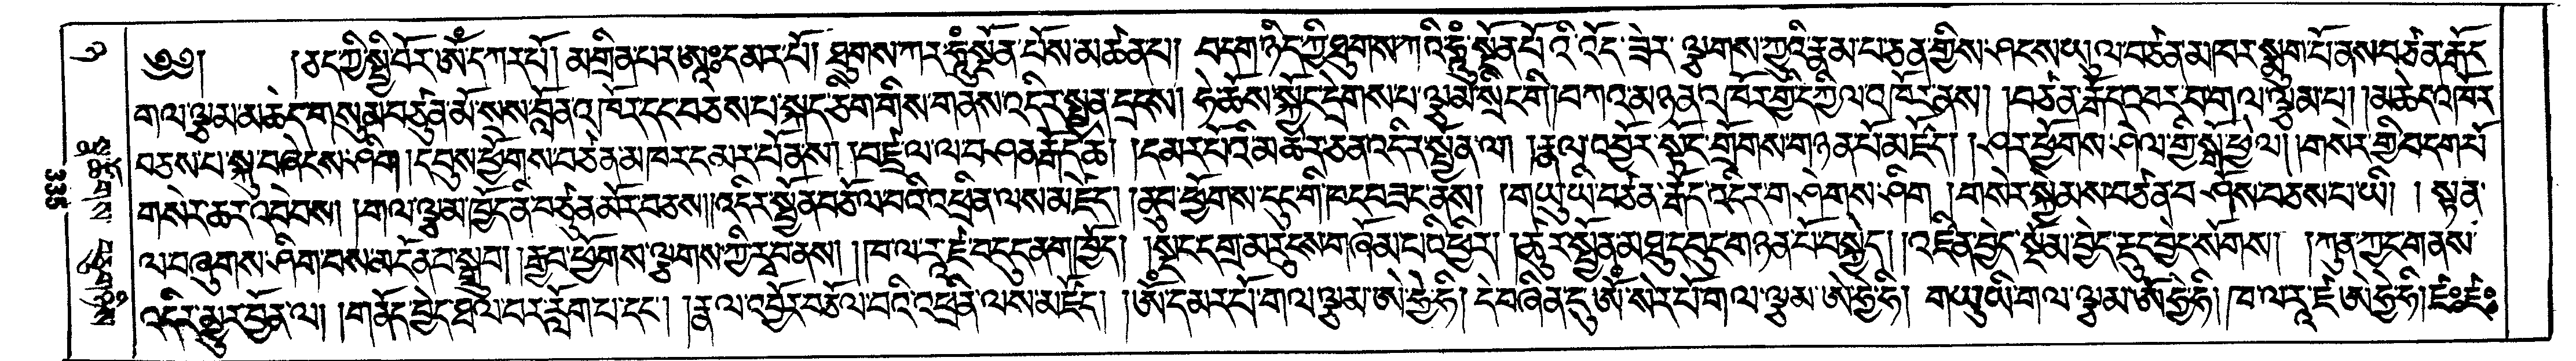༄༅། །ཅད་ཀྱི་སྤྱི་བོར་ཨོཾ་དཀར་པོ། མགྲིན་པར་ཨཱཿདམར་པོ། ཐུགས་ཀར་ཧཱུཾ་སྔོན་པོས་མཚན་པ། བདག་ཉིད་ཀྱི་ཐུགས་ཀའི་ཧཱུཾ་སྔོན་པོའི་འོད་ཟེར་ལྕགས་ཀྱུའི་རྣམ་པ་ཅན་གྱིས་ཤངས་ཡུལ་བཙན་མཁར་སྨུག་པོ་ནས་བཙན་རྒོད་
གལ་ལྕམ་མཆེད་གསུམ་བཙུན་མོ་སྲས་བློན་འཁོར་དང་བཅས་པ་སྐད་ཅིག་གིས་གནས་འདིར་སྤྱན་དྲངས། ཧེ་ཆོས་སྐྱོང་དྲེགས་པ་ལྕམ་སྲིང་གི །བཀའ་མཉན་འཁོར་གྱི་དཀྱིལ་འཁོར་ནས། །བཙན་རྒོད་འབར་བ་གལ་ལྕམ་པ། །མཆེད་འཁོར་
བཅས་པ་སྐུ་བཞེངས་ཤིག །དབུས་ཕྱོགས་བཙན་མཁར་དམར་པོ་ནས། །བཛྲ་ལ་ལ་བཤན་རྒོད་ཆེ། །དམར་པོའི་མཚན་ཅན་འདིར་སྤྱོན་ལ། །རྣལ་འབྱོར་སྟོང་གྲོགས་གཉན་པོ་མཛོད། །ཤར་ཕྱོགས་ཤེལ་གྱི་སྒོ་ཕྱེ་ལ། །གསེར་གྱི་བདག་པོ་
གསེར་ཆར་འབེབས། །གལ་ལྕམ་ཁྱོད་ནི་བཙུན་མོར་བཅས། །འདིར་སྤྱོན་བཅོལ་བའི་འཕྲིན་ལས་མཛོད། །ནུབ་ཕྱོགས་དུང་གི་ཁང་བཟང་ནས། །གཡུ་ཡི་བཙན་རྒོད་འདིར་གཤེགས་ཤིག །གསེར་སྐྱེམས་བཙན་བཤོས་བཅས་པ་ཡི། །སྟན་
ལ་བཞུགས་ཤིག་བསམ་དོན་བསྒྲུབ། །རྒྱབ་ཕྱོགས་ལྕགས་ཀྱི་རྭ་བ་ནས། །ཁ་ལ་རཱ་ཛ་བདུད་ནག་ཁྱོད། །སྡང་དགྲ་མ་རུངས་གཞོམ་པའི་ཕྱིར། །ཚུར་སྤྱོན་མཐུ་དཔུང་གཉན་པོ་བསྐྱེད། །འཛིན་བྱེད་སྡོམ་བྱེད་རྡུང་བྱེད་སོགས། །ཀུན་ཀྱང་གནས་
འདིར་མྱུར་བྱོན་ལ། །གནོད་བྱེད་ཐལ་བར་རློག་པ་དང་། །རྣལ་འབྱོར་བཅོལ་བའི་འཕྲིན་ལས་མཛོད། །ཨོཾ་དམར་པོ་གལ་ལྕམ་ཨེ་ཧྱེ་ཧི། དེ་བཞིན་དུ་ཨོཾ་སེར་པོ་གལ་ལྕམ་ཨེ་ཧྱེ་ཧི། གཡུ་ཡི་གལ་ལྕམ་ཨེ་ཧྱེ་ཧི། ཁ་ལ་རཱ་ཛ་ཨེ་ཧྱེ་ཧི། ཛཿཛཿ